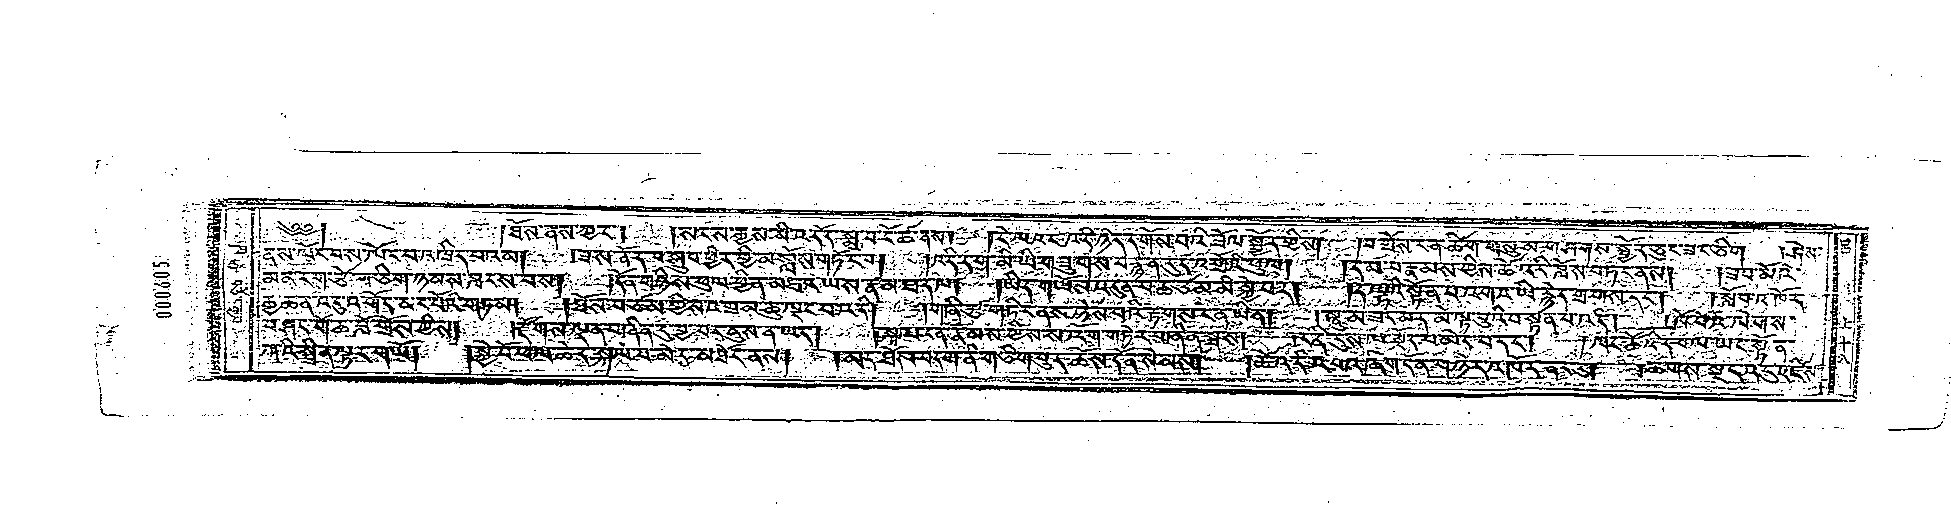༄༅། །ཐོས་ནས་ཀྱང་། །སངས་རྒྱས་མི་འདོད་སྨྲ་བ་ངོ་ཚ་ནས། །དེ་ལའང་འདི་ཉིད་དགོས་པའི་ཟོལ་སྦྱོར་གྱིས། །བགྲོས་ངན་ཚིག་གསུམ་གཤགས་སྦྱོར་ཅུང་ཟད་ཅིག །ཤེས་
ནས་ལོང་བས་ལོང་བ་འཁྲིད་པའམ། །ཟས་ནོར་བསྒྲུབ་ཕྱིར་ཕྱི་མ་སློས་གཏོང་བ། །འདི་དག་མི་ཡི་གཟུགས་བརྙན་དུད་འགྲོའི་ཕུལ། །དམ་པ་རྣམས་ཀྱིས་ཚེ་འདི་བློས་བཏང་ནས། །ཟབ་མོའི་
མན་ངག་རྩེ་གཅིག་ཉམས་བླངས་བས། །དོན་གཉིས་ཕུལ་ཕྱིན་མཐའ་ཡས་རྣམ་ཐར་ལ། །ཡིད་གཡོས་འདུན་བ་ཆ་ཙམ་མི་སྐྱེ་བར། །ད་ལྟའི་སྟོན་པ་འགའ་ཡི་རྙེད་གྲགས་དང་། །སློབ་འཁོར་
རྒྱ་ཆན་འདུ་འགོད་མང་པོའི་གཏམ། །ཐོས་པ་ཙམ་གྱིས་འགྲམ་ཆུ་ལྡང་བ་འདི། །གཞི་རྩ་གཏིང་ནས་ཉེས་པའི་རྟགས་ངན་ཡིན། །སྣུམ་ཟད་མར་མེ་ལྟ་བུའི་བསྟན་པ་འདི། །ཁོ་བོའི་ལེགས་
བཤད་གོ་ཆ་བློ་གྲོས་ཀྱིས། །རྫོགས་ལྡན་བཞིན་དུ་བྱ་བར་ནུས་ན་ཡང་། །སྐལ་ངན་རྣམས་ཀྱིས་ས་འོག་གཏེར་བཞིན་སྦས། །ང་ནི་དུས་ལ་སྡོད་པ་མེད་པ་དང་། །ལང་ཚོའི་དཔལ་ཡང་སྟོན་
ཀའི་སྤྲིན་ལྟར་གཡོ། །སྐྱེ་བོ་ཕལ་ཆེར་སྐལ་བ་མེད་མཐོང་ནས། །མང་ཐོས་བདག་ནི་གཅིག་བུར་ཆོས་དོན་སེམས། །ཚེ་འདི་འབའ་ཞིག་དོན་གཉེར་འཁོར་ནང་དུ། །ཆགས་སྡང་འདུ་འཛིས་